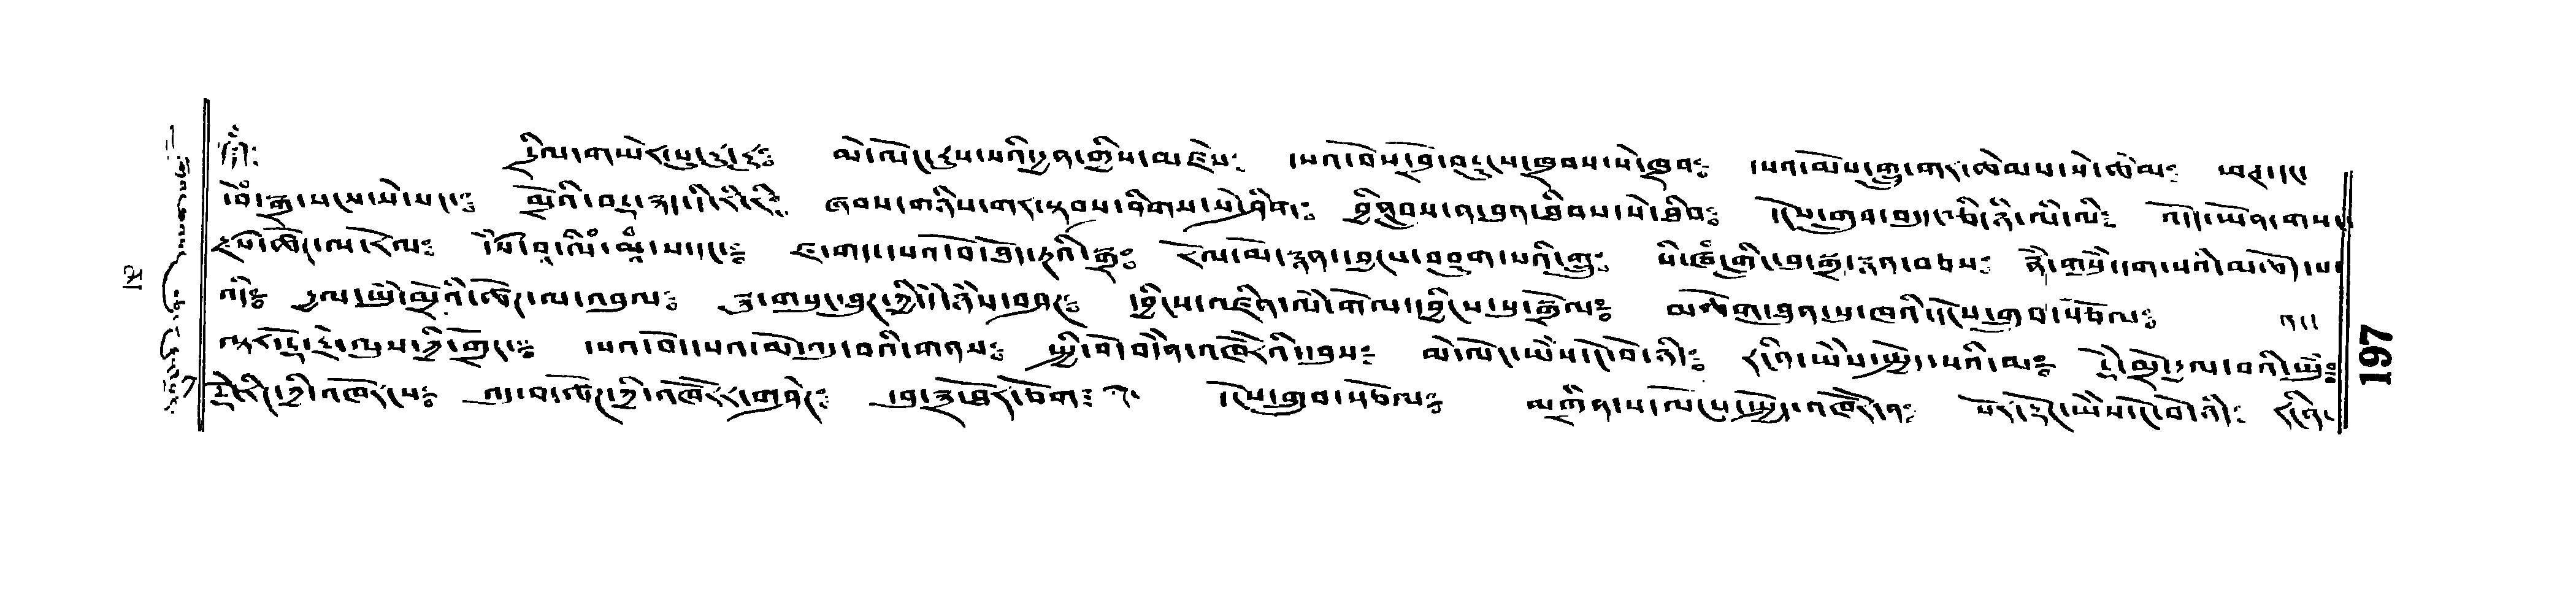དྲིལ་གཡེར་པུ་རུ་རུ༔ མེ་ལོང་རུས་པའི་རྒྱན་གྱིས་མཛེས༔ དཔའ་བོས་བྲོ་བརྡུང་ཁྲབས་སེ་ཁྲབ༔ དཔའ་མོས་གླུ་གར་ཆེམས་སེ་ཆེམ༔ ཕཊ་དང་
ཕེཾ་སྒྲ་སངས་སེ་སང༔ མཁའ་འགྲོའི་བརྡ་སྐད་དི་རི་རི༔ ཞབས་གཉིས་གར་སྟབས་ཤིགས་སེ་ཤིག༔ བྱིན་རླབས་ན་བུན་ཐིབས་སེ་ཐིབ༔ དངོས་གྲུབ་བདུད་རྩི་ཉི་ལི་ལི༔ འདོད་ཡོན་གསང་
རྫས་ཚོགས་ལ་རོལ༔ དམ་རྫས་བཱ་ལིཾ་མཱཾ་ས་དང༔ ཛ་གད་དཔའ་བོ་ཐོད་རྔའི་སྒྲ༔ རོལ་མོ་སྙན་དབྱངས་བཤུགས་པའི་གླུ༔ པི་ཝཾ་གླིང་བུ་སྒྲ་སྙན་བཅས༔ རྣམ་གསུམ་དག་པའི་མཆོད་པ་
འདི༔ རྒྱལ་ཡུམ་མཁའ་འགྲོའི་ཚོགས་ལ་འབུལ༔ སྐུ་གསུང་ཐུགས་ཀྱི་དམ་ཉམས་བཤགས༔ གཉིས་འཛིན་ལམ་གོལ་དབྱིངས་སུ་སྒྲོལ༔ མཆོག་ཐུན་སུ་ཁའི་དངོས་གྲུབ་སྩོལ༔ ནང་
ལྟར་རྡོ་རྗེ་ལུས་ཀྱི་གྲོང༔ དཔའ་བོ་དཔའ་མོ་འདུ་བའི་གནས༔ སྤྱི་བོ་བདེ་ཆེན་འཁོར་ལོའི་དབུས༔ མེ་ལོང་ཡེ་ཤེས་ངོ་བོ་ཉིད༔ རང་བཞིན་ཡེ་ཤེས་སྤྱོད་པའི་མ༔རྡོ་རྗེ་མཁའ་འགྲོ་རྒྱལ་བའི་ཡུམ༔ 
རྡོ་རྗེ་རིགས་ཀྱི་འཁོར་དང་བཅས༔ འདུ་བ་ཚོགས་ཀྱི་འཁོར་ལོར་གཤེགས༔ དབུ་སྐྲ་ཐོར་ཅོག་སོགས༔ དངོས་གྲུབ་སྩོལ༔ མགྲིན་པ་ལོངས་སྤྱོད་འཁོར་ལོ་ན༔ སོར་རྟོགས་ཡེ་ཤེས་ངོ་བོ་ཉིད༔ རང་བཞིན་